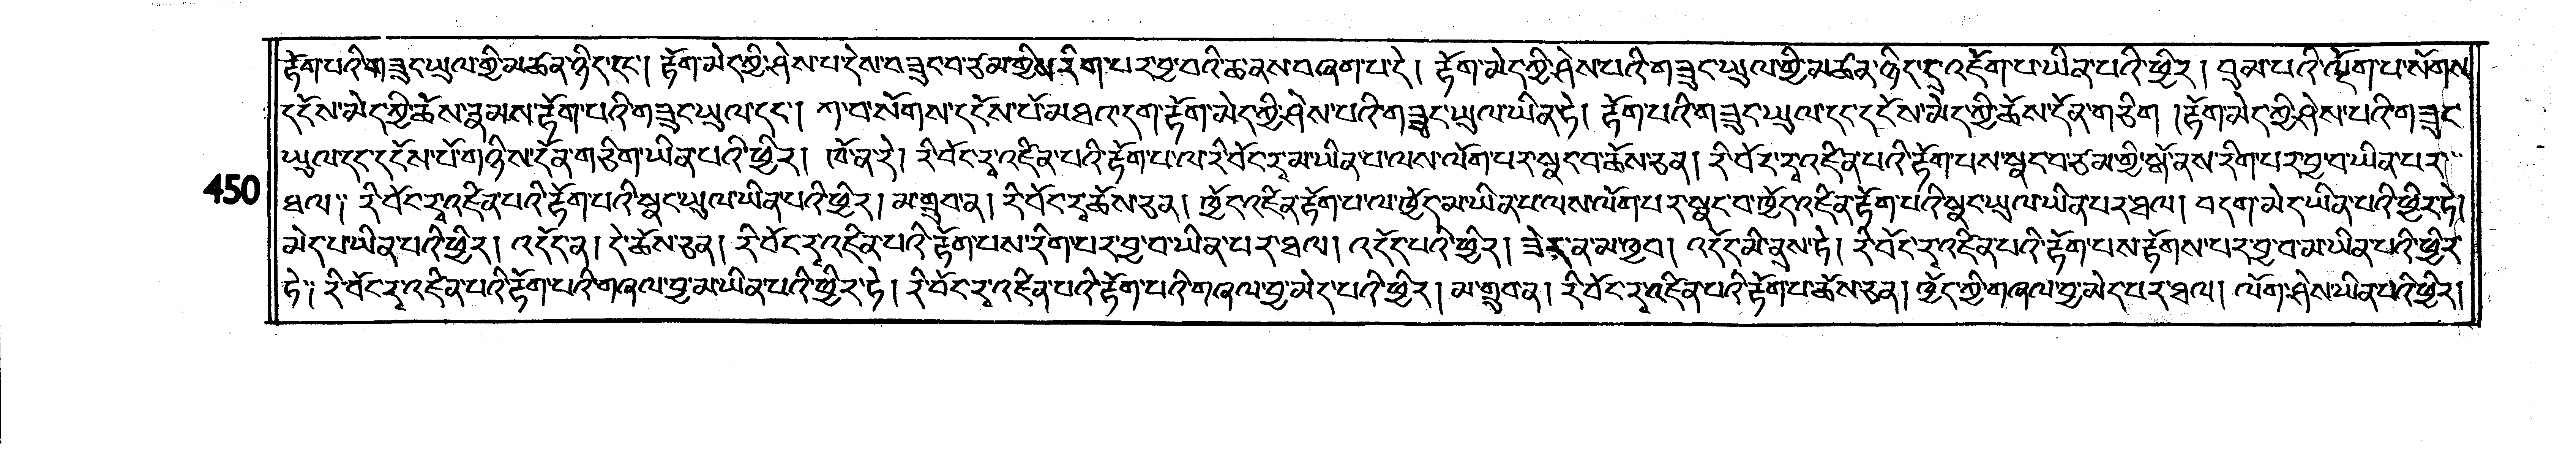རྟོག་པའི་གཟུང་ཡུལ་གྱི་མཚན་ཉིད་དང་། རྟོག་མེད་ཀྱི་ཤེས་པ་དེས་བཟུང་བ་ཙམ་གྱི་སྲིག་པར་བྱ་བའི་ཆ་ནས་བཞག་པ་དེ། རྟོག་མེད་ཀྱི་ཤེས་པའི་གཟུང་ཡུལ་གྱི་མཚན་ཉིད་དུ་འཇོག་པ་ཡིན་པའི་ཕྱིར། བུམ་པའི་ལྡོག་པ་སོགས་
དངོས་མེད་ཀྱི་ཆོས་རྣམས་རྟོག་པའི་གཟུང་ཡུལ་དང་། ཀ་བ་སོགས་དངོས་པོ་ཐ་དག་རྟོག་མེད་ཀྱི་ཤེས་པའི་གཟུང་ཡུལ་ཡིན་ཏེ། རྟོག་པའི་གཟུང་ཡུལ་དང་དངོས་མེད་ཀྱི་ཆོས་དོན་གཅིག། །རྟོག་མེད་ཀྱི་ཤེས་པའི་གཟུང་
ཡུལ་དང་དངོས་པོ་གཉིས་དོང་ཅིག་ཡིན་པའི་ཕྱིར། ཁོ་ན་རེ། རི་བོང་རྭ་འཛིན་པའི་རྟོག་པ་ལ་རི་བོང་རྭ་བ་ཡིན་པ་ལས་ལོག་པར་སྣང་བ་ཆོས་ཅན། རི་བོང་རྭ་འཛིན་པའི་རྟོག་པས་སང་བ་ཙམ་གྱི་སྒོ་ནས་རིག་པར་བྱ་བ་ཡིན་པར་
ཐལ༑ རི་བོང་རྭ་འཛིན་པའི་རྟོག་པའི་སྣང་ཡུལ་ཡིན་པའི་ཕྱིར། མ་གྲུབ་ན། རི་བོང་རྭ་ཆོ་ཅན། ཁྱོད་འཛིན་རྟོག་པ་ལ་ཁྱོད་ལ་ཡིན་པ་ལས་ལོག་པར་སྣང་བ་ཁྱོད་འཛིན་རྟོག་པའི་སྣང་ཡུལ་ཡིན་པར་ཐལ། བདག་མེད་ཡིན་པའི་ཕྱིར་ཏེ།
མེད་པ་ཡིན་པའི་ཕྱིར། འདོད་ན། དེ་ཆོས་ཅན། རི་བོང་རྭ་འཛིན་པའི་རྟོག་པས་རིག་བ་བྱ་བ་ཡིན་པར་ཐལ། འདོད་པའི་ཕྱིར། ཟེར་ན་མ་ཁྱབ། འདོད་མི་ནྲས་ཏེ། རི་བོང་རྭ་འཛིན་པའི་རྟོག་པས་རྟོགས་པར་བྱ་བ་མ་ཡིན་པའི་ཕྱིར་
ཏེ༑ རི་བོང་རྭ་འཛིན་པའི་རྟོག་པའི་གཞལ་བྱ་མ་ཡིན་པའི་ཕྱིར་ཏེ། རི་བོང་རྭ་འཛིན་པའི་རྟོག་པའི་གཞལ་བྱ་མེ་དའི་ཕྱིར། མ་གྲུབ་ན། རི་བོང་རྭ་འཛིན་པའི་རྟོག་པ་ཆོས་ཅན། ཁྱོད་ཀྱི་གཞལ་བྱ་མེད་པར་ཐལ། །ལོག་ཤེས་ཡིན་པའི་ཕྱིར་